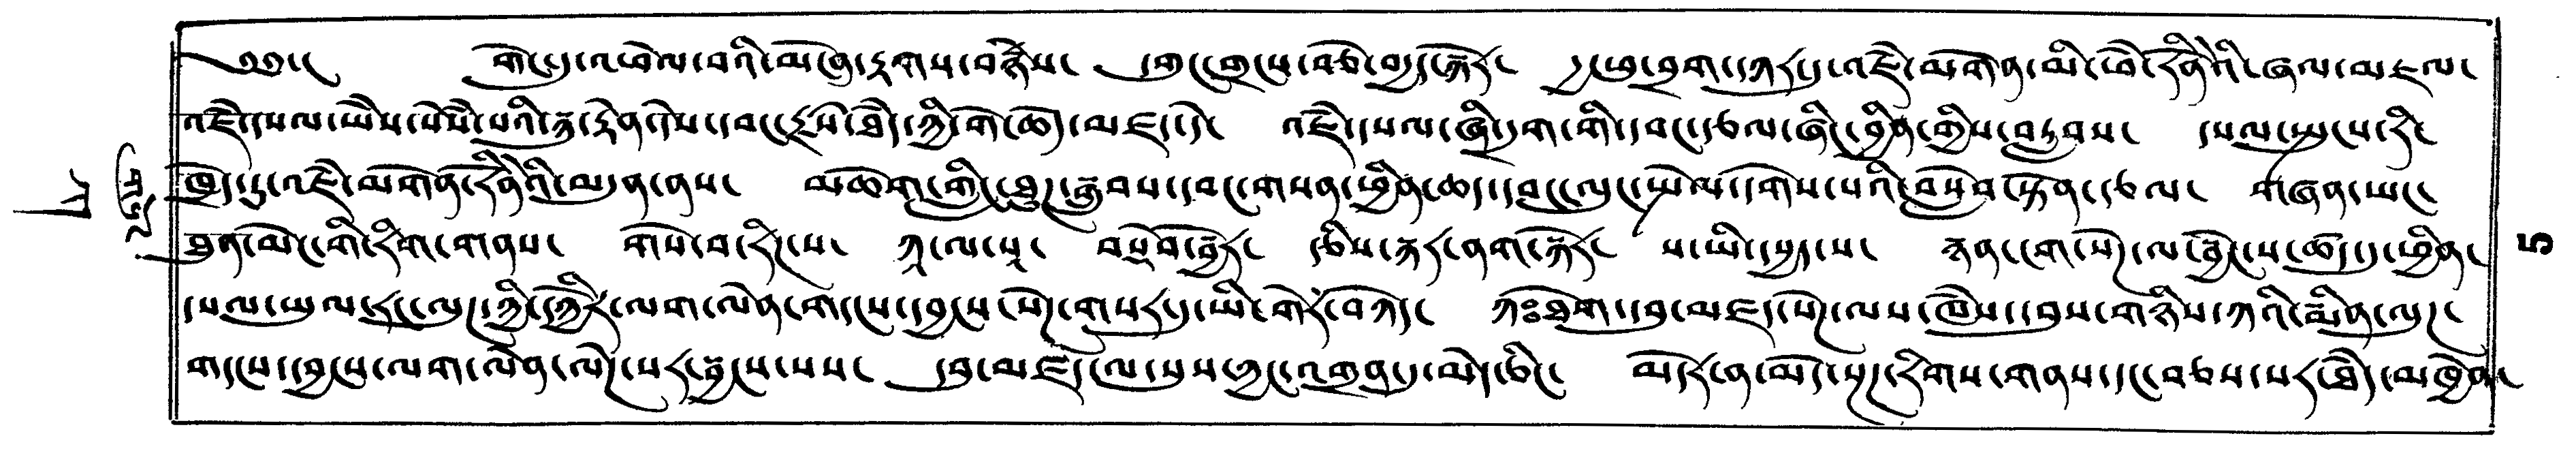གོང་དུ་འཕེལ་བའི་མངོན་རྟགས་བརྙེས།དགུང་གྲངས་བཅོ་བརྒྱད་སྐོར། རྒྱ་ཕུ་བྲག་དཀར་དུ་འཇམ་མགོན་མི་ཕམ་རིན་པོ་ཆེའི་ཞལ་མཇལ། 
འཇམ་དཔལ་ཡེ་ཤེས་སེམས་པའི་སྐུ་རྟེན་དེས་དབང་རྫས་ཐམས་ཅད་ཀྱི་གོ་ཆོད་མཛད་དེ། འཇམ་དཔལ་ཞི་དྲག་གི་དབང་རྩལ་ཞིང་བྱིན་གྱིས་བརླབས། དཔལ་སྤུངས་རི་
ཁྲོད་དུ་འཇམ་མགོན་རིན་པོ་ཆེའི་མདུན་ནས། མཆོག་གླིང་ཐུགས་སྒྲུབ་དབང་གསན། ཕྱིན་ཆད་དབང་ལུང་སྤེལ་དགོས་པའི་བསླབ་སྟོན་རྩལ། གཞན་ཡང་
ཐུན་མོང་གི་རིག་གནས་གསོ་བ་རིག་པ། ཀཱ་ལ་པཱ། སྡེབ་སྦྱོར། རྩིས་སྐར་ནག་སྐོར། ས་ཡི་དཔྱད་པ། སྙན་ངག་སོགས་ལ་སྦྱངས་པ་ཚད་དུ་ཕྱིན། 
དཔལ་ཡུལ་རང་ལུགས་ཀྱི་དཀྱིལ་འཁོར་ལག་ལེན་གདངས་དབྱངས་སོགས་གསར་དུ་ཡི་གེར་བཀོད། ཀཿཐོག་དབུ་མཛད་སོགས་ལས་ཁམས་དབུས་གཉིས་ཀའི་སྨིན་ལུགས་
གདངས་དབྱངས་ལག་ལེན་ལེགས་པར་སྦྱངས་པས། དབུ་མཛད་ལ་སུས་ཀྱང་འགྲན་དུ་མེད་ཅིང་། མདོར་ན་མདོ་སྔགས་རིག་གནས་དང་བཅས་པར་ཐམས་ཅད་མཁྱེན་